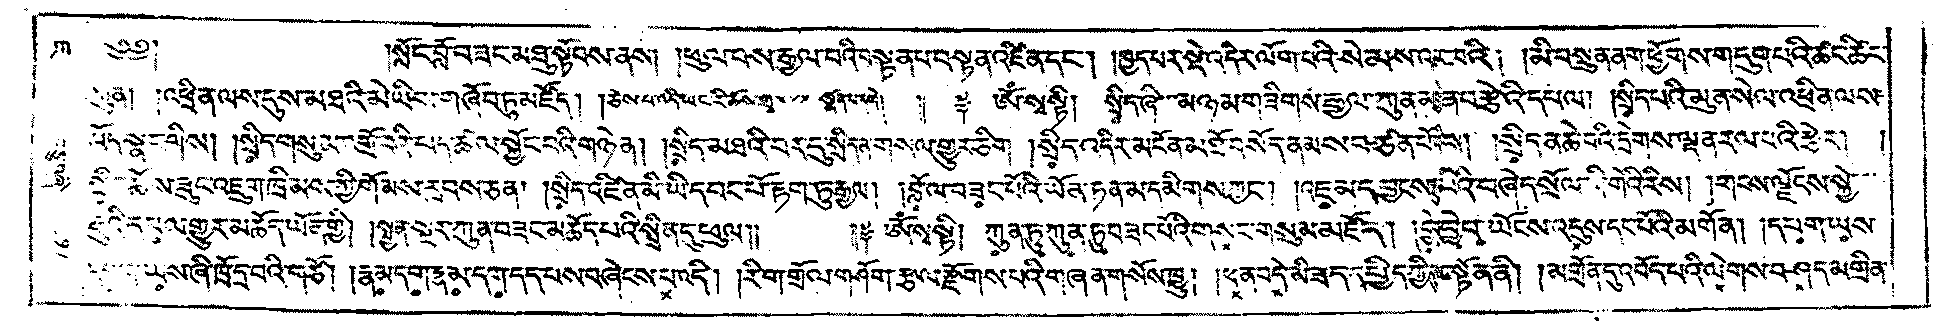༄༅། །སློང་བློ་བཟང་མཐུ་སྟོབས་ནས། །ཕུལ་བས་རྒྱལ་བའི་བསྟན་པ་བསྟན་འཛིན་དང་། །ཁྱད་པར་སྡེ་འདིར་ལོག་པའི་སེམས་འཆང་བའི། །མི་བསྲུན་ནག་ཕྱོགས་གདུག་པའི་ཚང་ཚིང་
ཀུན། །འཕྲིན་ལས་དུས་མཐའི་མེ་ཡིས་གཞོབ་ཏུ་མཛོད། ། ཅེས་པ་འདི་ཡང་རི་ཆོས་གྲྭ་྾་྾་྾་སྨོན་པ་དགེ །  །། ༈ ཨོཾ་སྭ་སྟི། སྲིད྾་ཞི་མཉམ་གཟིགས་རྒྱལ་ཀུན་མཁྱེན་བརྩེའི་དཔལ། །སྲིད྾་པའི་མུན་སེལ་འཕྲིན་ལས་
འོད་སྣང་གིས། །སྲིད྾་གསུམ་འགྲོ་བའི་པད་ཚལ་སྐྱོང་བའི་གཉེན། །སྲིད྾་མཐའི་བར་དུ་སྲིད་ན་གསལ་གྱུར་ཅིག །སྲིད྾་འདིར་མངོན་མཐོ་བསོད་ནམས་བཙན་པོ་ཡིས། །སྲིད྾་ན་ཆེ་བའི་དྲེགས་ལྡན་རལ་བའི་རྩེར། །
སྲིད྾་ཆོས་ཟུང་འཇུག་ཁྲིམས་ཀྱི་གོམས་རླབས་ཅན། །སྲིད྾་འཛིན་མི་ཡི་དབང་པོ་རྟག་ཏུ་རྒྱལ། །བློ྾་ལ་བཟང྾་པོའི་ཡོན་ཏན་མ་དམིགས་ཀྱང་། །འཇམ྾་དབྱངས་ཐུ་མིའི་བཞེད་སྲོལ་ཡི་གེའི་རིས། །གངས་ལྗོངས་སྐྱེ་
རྒུའི་དཔལ྾་གྱུར་མཆོད་ཡོན་གྱི། །སྤྱན་སྔར་ཀུན་བཟང་མཆོད་པའི་སྤྲིན་དུ་ཕུལ།། །། ༈ ཨོཾ་སྭ་སྟི། ཀུན྾་ཏུ྾་ཀུན྾་ཏུ྾་བཟང་པོའི་གསང་྾་གསུམ་མཛོད། །བྱེ྾་བ྾་བྱེ྾་བ྾་ཡོངས་འདུས་྾་དང་པོའི་མགོན། །དཔག྾་ཡས྾་
དཔག྾་ཡས྾་ཞི་ཁྲོ་དྲ་བའི་གཙོ། །རྣམ྾་དག྾་རྣམ྾་དག྾་དད་པས་བཞེངས་པ་྾་འདི། །རིག་གྲོལ་གཤོག་རྩལ་རྫོགས་པའི་གཞན་གསོས་ཁྱུ། །ཕན་྾་བདེ་྾་མི་ཟད་དཔྱིད་ཀྱི་དུས་སྟོན་ནི། །མགྲོན་དུ་འབོད་པའི་ལེགས་྾་བཤད་྾་མགྲིན་